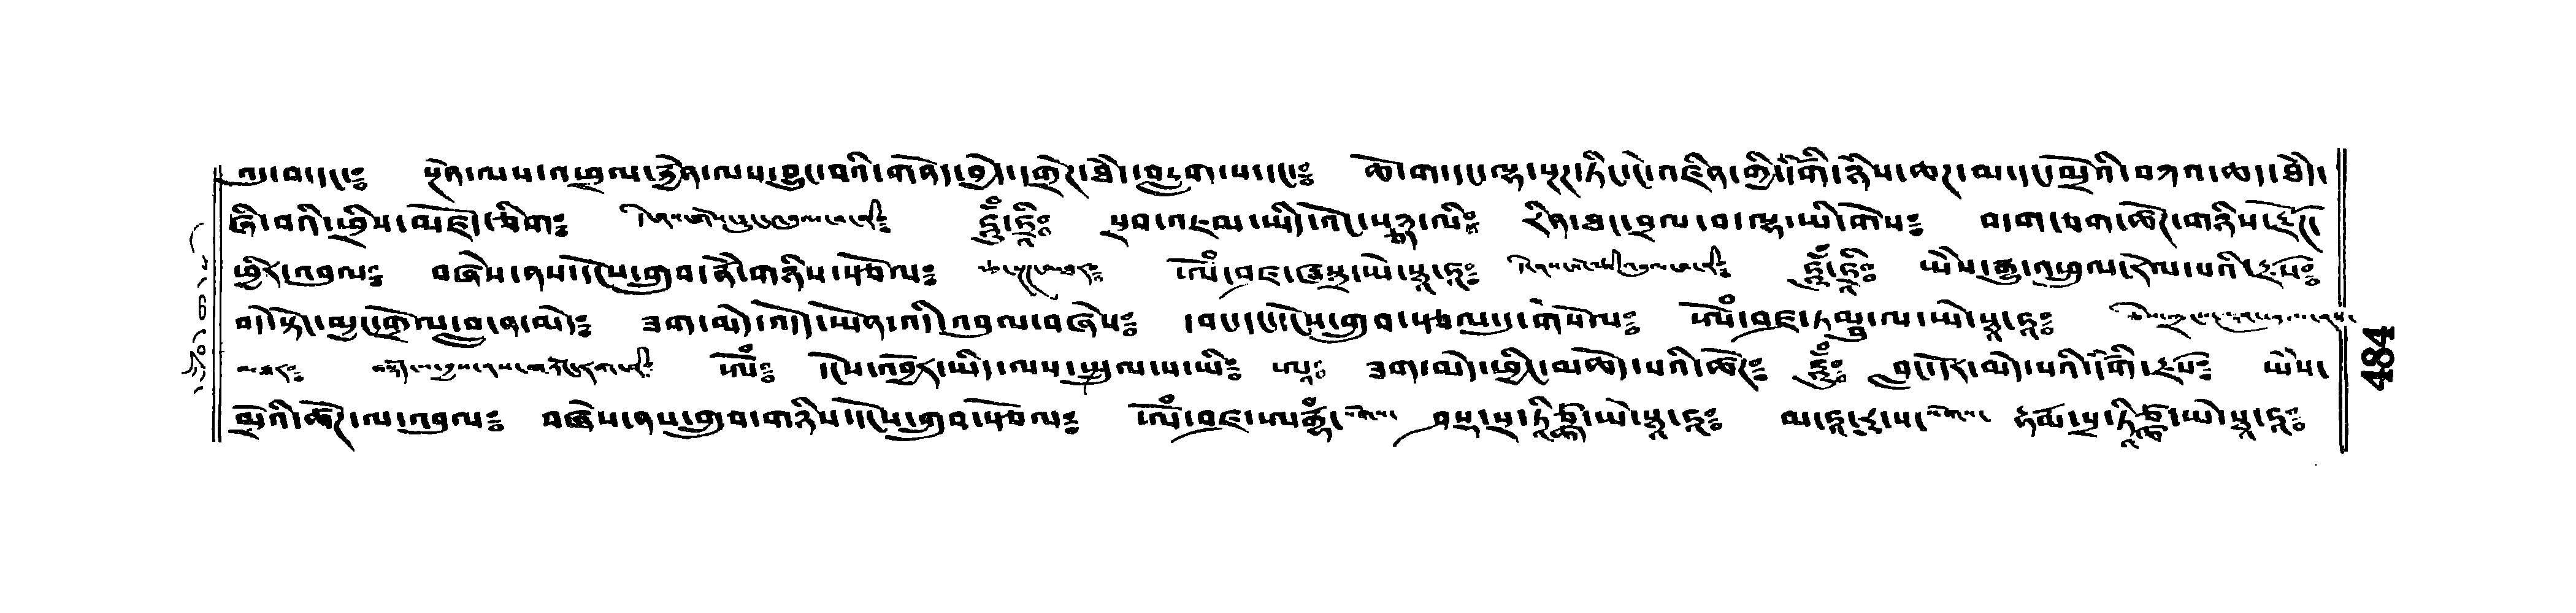འདུ་བ་དང༔ སྔོན་ལས་འཕྲལ་རྐྱེན་ལས་བྱུང་བའི་གནོད་བྱེད་དགྲ་བགེགས་ཐམས་ཅད་བརླག་པ་དང༔ ཆོ་ག་དང་ལྷ་སྔགས་ཏིང་ངེ་འཛིན་གྱི་དམ་ཚིག་ཉམས་ཆག་མ་དང་མཁའ་འགྲོའི་བཀའ་ཆད་ཐམས་ཅད་
ཞི་བའི་ཕྲིན་ལས་མཛོད་ཅིག༔ དེ་ནས་གོས་ཟུང་འབུལ་བ་ནི༔ ཧཱུྃ་ཧྲཱིཿ སྲབ་འཇམ་ཡིད་འོང་པཉྩ་ལི༔ རིན་ཐང་བྲལ་བ་ལྷ་ཡི་གོས༔ བདག་ཅག་ཚོགས་གཉིས་རྫོགས་
ཕྱིར་འབུལ༔ བཞེས་ནས་དངོས་གྲུབ་རྣམ་གཉིས་སྩོལ༔ རྩ་སྔགས་མཐར༔ ཨོཾ་བཛྲ་ཝསྟྲ་ཡེ་སྭཱ་ཧཱ༔ དེ་ནས་སོ་རྩི་འབུལ་བ་ནི༔ ཧཱུྃ་ཧྲཱིཿ ཡེ་ཤེས་སྒྱུ་འཕྲུལ་རོལ་པའི་རྫས༔ 
བདེ་སྟོང་མྱང་གྲོལ་བླ་ན་མེད༔ ཟག་མེད་འདོད་ཡོན་འདི་འབུལ་བཞེས༔ དབང་དང་དངོས་གྲུབ་བསྩལ་དུ་གསོལ༔ ཨོཾ་བཛྲ་ཏམྦུ་ལ་ཡེ་སྭཱ་ཧཱ༔ ཅེས་གྲངས་ལྡན་ཕུལ་ནས་
མཐར༔ བསྟོད་པ་བྱས་ནས་གཏང་རག་ནི༔ ཨོཾ༔ དངོས་འབྱོར་ཡིད་ལས་སྤྲུལ་པ་ཡི༔ ཨཱཿ ཟག་མེད་ཕྱི་ནང་མཆོད་པའི་ཚོགས༔ ཧཱུྃ༔ བླང་དོར་མེད་པའི་དམ་ཚིག་རྫས༔ ཡེ་ཤེས་
མཁའ་འགྲོའི་ཚོགས་ལ་འབུལ༔ བཞེས་ནས་གྲུབ་གཉིས་དངོས་གྲུབ་སྩོལ༔ ཨོཾ་བཛྲ་ཨརྒྷཾ་སོགས༔ ཤཔྡ་པྲ་ཏཱིཙྪ་ཡེ་སྭཱ་ཧཱ༔ མ་ཧཱ་རུ་པ་སོགས། དྷརྨ་པྲ་ཏཱིཙྪ་ཡེ་སྭཱ་ཧཱ༔